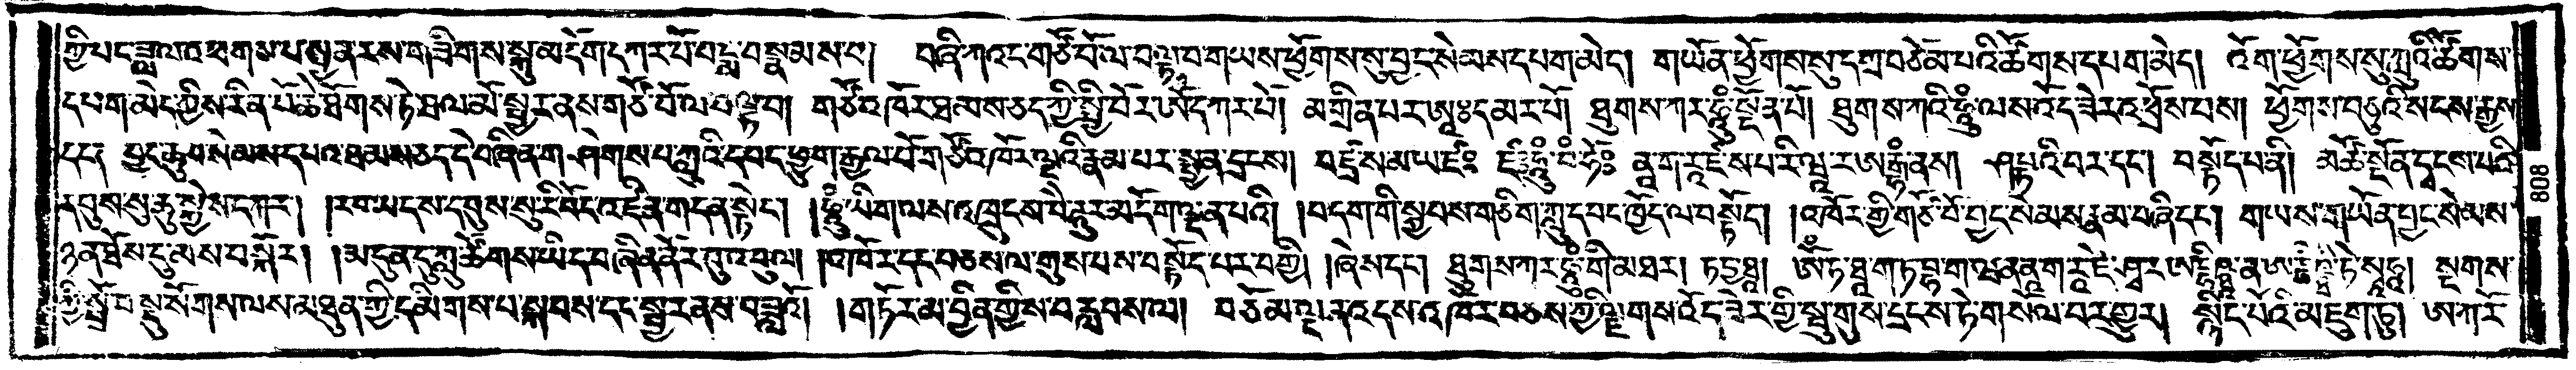ཀྱི་པད་ཟླ་ལ་འཕགས་པ་སྦྱན་རས་གཟིགས་སྐུ་མདོག་དཀར་པོ་པདམ་བསྣམས་པ། བཞི་ཀའང་གཙོ་བོ་ལ་བལྟ་བ་གཡས་ཕྱོགས་སུ་བྱང་སེམས་དཔག་མེད། གཡོན་ཕྱོགས་སུ་དགྲ་བཅོམ་པའི་ཚོགས་དཔག་མེད། འོག་ཕྱོགས་སུ་བླུའི་ཚོགས་
དཔག་མེད་ཀྱིས་རིན་པོ་ཆེ་ཐོགས་ཏེ་ཐལ་མོ་སྦྱར་ནས་གཙོ་བོ་ལ་བརྟབ། གཙོ་འཁོར་ཐམས་ཅད་ཀྱི་སྦྱི་བོར་ཨོ་དཀར་པོ། མགྲིན་པར་ཨཱཿ དམར་པོ། ཐུགས་ཀར་ཧཱུཾ་སྔོན་པོ། ཐུགས་ཀའི་ཧཱུཾ་ལས་འོད་ཟེར་འཕྲོས་པས། ཕྱོགས་བཅུའི་སངས་རྒྱས་
དང༑ བྱང་ཆུབ་སེམས་དཔའ་ཐམས་ཅད་དེ་བཞིན་གཤེགས་པ་ཀླུའི་དབང་ཕྱུག་རྒྱལ་པོ་གཙོ་འཁོར་ལྔའི་རྣམ་པར་སྤྱན་དྲངས། བཛྲ་ས་མ་ཡ་ཛཿ ཛཿ ཧཱུཾ་བཾ་ཧོཿ ནཱ་ག་རཱ་ཛ་ས་པ་རི་ཝཱ་ར་ཨ་རྒྷཾ་ནས། ཤཔྟའི་བར་དང་། བསྟོད་པ་ནི། མཚོ་སྔོན་དྭངས་པའི་
དབུས་སུ་ཆུ་སྐྱེས་དཀར། །རབ་ཡངས་དབུས་སུ་རི་བོང་འཛིན་གདན་སྟེང་། །ཧཱུཾ་ཡིག་ལས་འཁྲུངས་པཻ་ཌཱུར་མདོག་ལྡན་པའི། །བདག་གི་སྐྱབས་གཅིག་ཀླུ་དབང་ཁྱོད་ལ་བསྟོད། །འཁོར་གྱི་གཙོ་བོ་བྱང་སེམས་རྣམ་བཞི་དང་། གཡས་གཡོན་བྱང་སེམས་
ཉན་ཐོས་དུ་མས་བསྐོར། །མདུན་དུ་གླུ་ཚོགས་ཡིད་བཞིན་ནོར་བུ་འབུལ། །འཁོར་དང་བཅས་ལ་གུས་པས་བསྟོད་པར་བགྱི། །ཞེས་དང་། ཐུགས་ཀར་ཧཱུཾ་གི་མཐར། ཏྦྱཐཱ། ཨོཾ་ཏ་ཥཱ་ཀ་ཏ་བྷ་ལ་ཝ་ན་ཎཱ་ག་རཱ་རེ་ཤྭ་ར་ཨདྷི་H ན་ཨརྷི་ཥྠི་ཏེ་སྭཱ་ཧཱ། སྔགས་
ཀྱི་སྤྲོ་བསྡུ་སོགས་ལས་མཐུན་གྱི་དམིགས་པ་སྐབས་དང་སྦྱར་ནས་བཟླའོ། །གཏོར་མ་བྱིན་གྱིས་བརླབས་ལ། བཅོམ་ལྡན་འདས་འཁོར་བཅས་ཀྱི་ལྗགས་འོད་ཟེར་གྱི་སྦུ་གུས་དྲངས་ཏེ་གསོལ་བར་གྱུར། སྙིང་པོའི་མཇུག་ཏུ། ཨཀ་རོ་